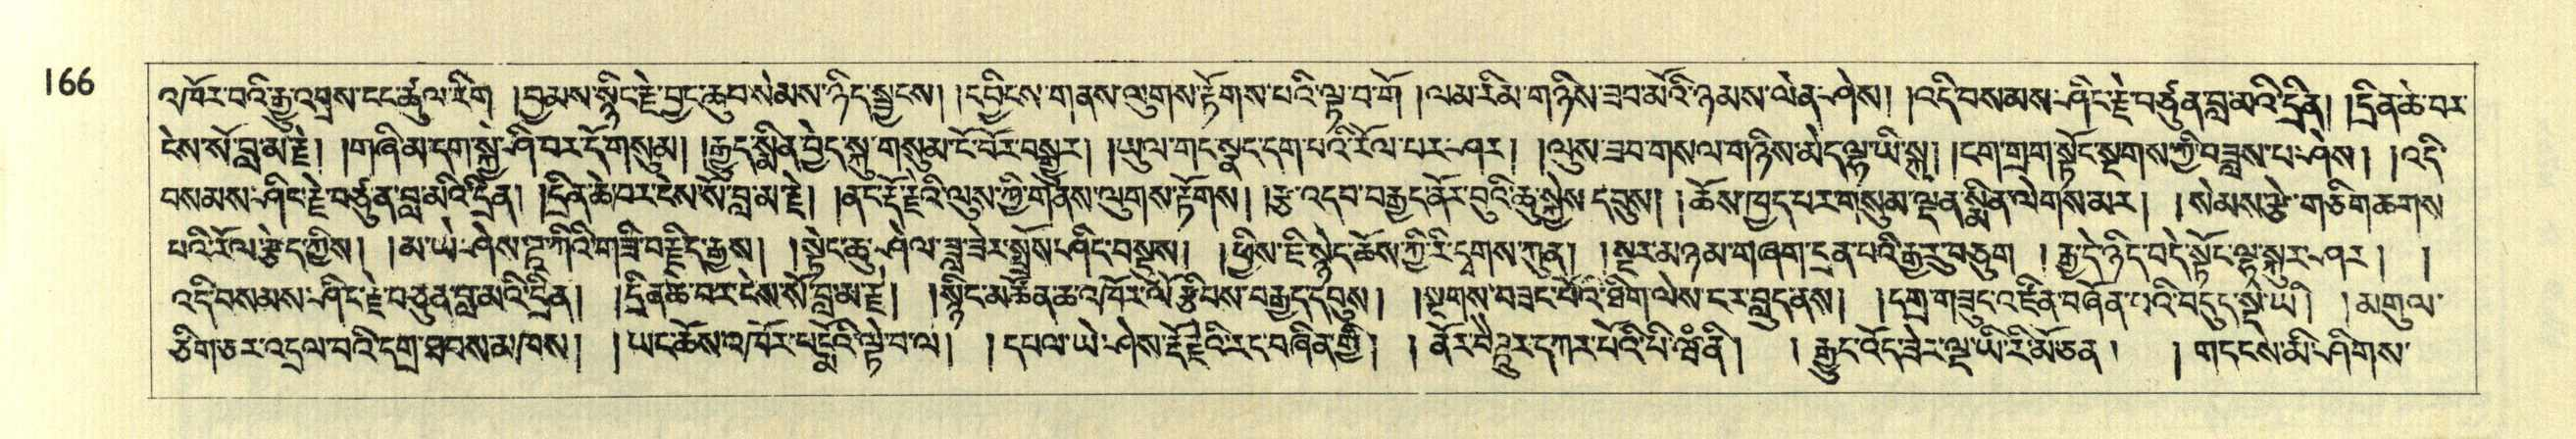འཁོར་བའི་རྒྱུ་འབྲས་ངང་ཚུལ་རིག །བྱམས་སྙིང་རྗེ་བྱང་ཆུབ་སེམས་ཉིད་སྦྱངས། །དབྱིངས་གནས་ལུགས་རྟོགས་པའི་ལྟ་བ་གོ །ལམ་རིམ་གཉིས་ཟབ་མོའི་ཉམས་ལེན་ཤེས། །འདི་བསམས་ཤིང་རྗེ་བཙུན་བླ་མའི་དྲིན། །དྲིན་ཆེ་བར་
ངེས་སོ་བླ་མ་རྗེ། །གཞི་མ་དག་སྐྱེ་ཤི་བར་དོ་གསུམ། །རྒྱུད་སྨིན་བྱེད་སྐུ་གསུམ་ངོ་བོར་བསྒྱུར། །ཡུལ་གང་སྣང་དག་པའི་རོལ་པར་ཤར། །ལུས་ཟབ་གསལ་གཉིས་མེད་ལྷ་ཡི་སྐུ། །ངག་གྲག་སྟོང་སྔགས་ཀྱི་བཟླས་པ་ཤེས། །འདི་
བསམས་ཤིང་རྗེ་བཙུན་བླ་མའི་དྲིན། །དྲིན་ཆེ་བར་ངེས་སོ་བླ་མ་རྗེ། །ནང་རྡོ་རྗེའི་ལུས་ཀྱི་གནས་ལུགས་རྟོགས། །རྩ་འདབ་བརྒྱད་ནོར་བུའི་ཆུ་སྐྱེས་དབུས། །ཆོས་ཁྱད་པར་གསུམ་ལྡན་སྨིན་ལེགས་མར། །སེམས་རྩེ་གཅིག་ཆགས་
པའི་རོལ་རྩེད་ཀྱིས། །མ་ཡེ་ཤེས་ཌཱ་ཀིའི་གཟི་བརྗིད་རྒྱས། །སྟེང་ཆུ་ཤེལ་ཟླ་ཟེར་སྤྲོས་ཤིང་བསྡུས། །ཕྱིས་ཇི་སྙེད་ཆོས་ཀྱི་རི་དྭགས་ཀུན། །སྔར་མཉམ་གཞག་དྲན་པའི་རྒྱ་རུ་བཅུག །རྒྱ་དེ་ཉིད་བདེ་སྟོང་ལྷ་སྐུར་ཤར། །
འདི་བསམས་ཤིང་རྗེ་བཅུན་བླ་མའི་དྲིན། །དྲིན་ཆེ་བར་ངེས་སོ་བླ་མ་རྗེ། །སྙིང་མཚོན་ཆ་འཁོར་ལོ་རྩིབས་བརྒྱད་དབུས། །སྔགས་བཟང་པོའི་ཐིག་ལེས་ངར་བླུད་ནས། །དགྲ་གཟུང་འཛིན་བཞོན་པའི་བདུད་སྡེ་ཡི། །མགུལ་
ཅིག་ཅར་འདྲལ་བའི་དགྲ་ཐབས་མཁས། །ཡང་ཆོས་འཁོར་པདམོའི་ལྟེ་བ་ལ། །དཔལ་ཡེ་ཤེས་རྡོ་རྗེའི་རང་བཞིན་གྱི། །ནོར་བཻཌཱུར་དཀར་པོའི་པི་ཝཾ་ནི། །རྒྱུད་འོད་ཟེར་ལྔ་ཡི་རི་མོ་ཅན། །གདངས་མི་ཤིགས་